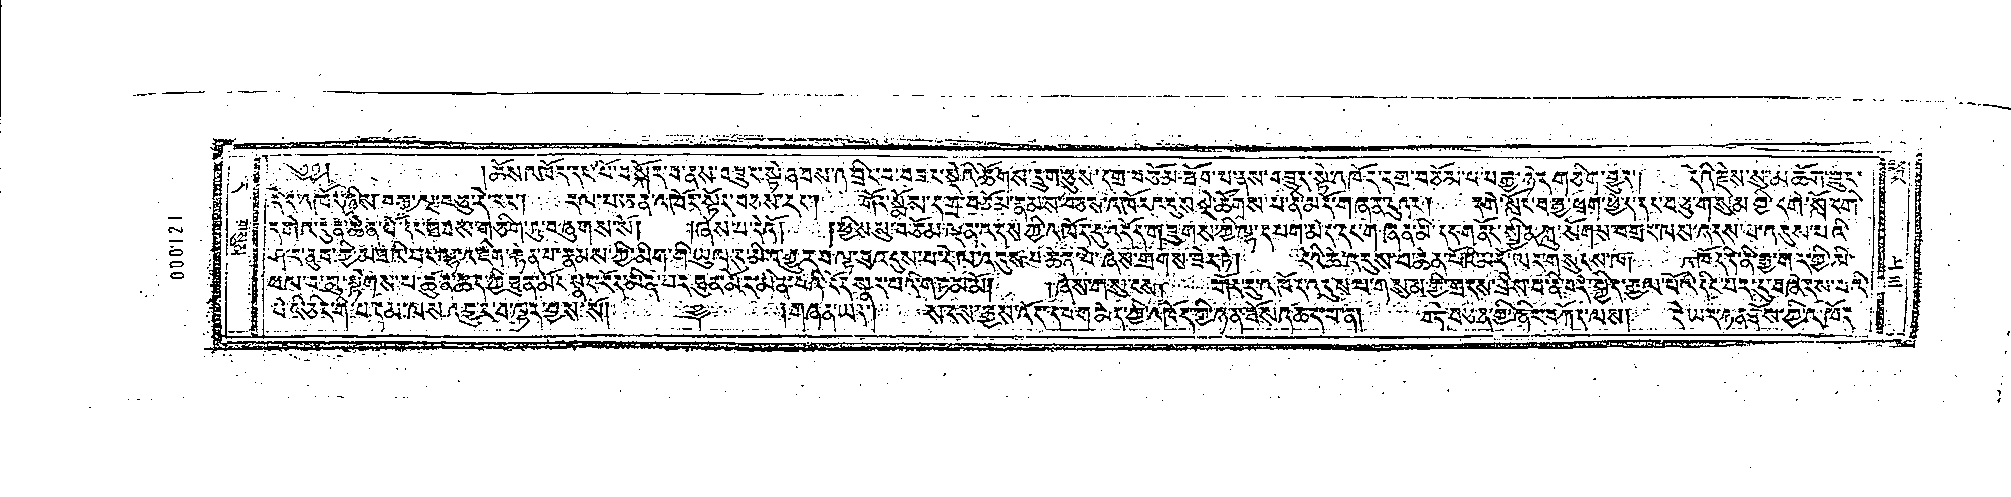༄༅། །ཆོས་འཁོར་དང་པོ་བསྐོར་བ་ནས་བཟུང་སྟེ་ཞབས་འབྲིང་བ་བཟངས་དེའི་ཚོགས་དྲུག་ཅུས་དགྲ་བཅོམ་ཐོབ་པ་ནས་བཟུང་སྟེ་འཁོར་དགྲ་བཅོམ་པ་བརྒྱ་ཉེར་གཅིག་བྱུང་། དེའི་རྗེས་སུ་མཆོག་ཟུང་
དེར་འཁོར་ཉིས་བརྒྱ་ལྔ་བཅུ་དེ་དང་། རལ་པ་ཅན་འཁོར་སྟོང་བཅས་དང་། གོང་སྨོས་དགྲ་བཅོམ་རྣམས་བཅས་འཁོར་འདུས་སྡེ་ཚོགས་པ་ནི་མདོ་གཞན་དུའང་། དགེ་སློང་བརྒྱ་ཕྲག་ཕྱེད་དང་བཅུ་གསུམ་གྱི་དགེ་སློང་གི་
དགེ་འདུན་ཆེན་པོ་དང་ཐབས་གཅིག་ཏུ་བཞུགས་སོ། །ཞེས་པ་དེའོ། །ཕྱིས་སུ་བཅོམ་ལྡན་འདས་ཀྱི་འཁོང་དུ་འདོང་གཟུགས་ཀྱི་ལྷ་དཔག་མེད་དང་གཞན་མི་དང་གནོད་སྦྱིན་ཀླུ་སོགས་བགྲང་ལས་འདས་པ་འདུས་པའི་
ཤར་ནུབ་ཀྱི་མཐའི་པང་ལྷ་འཇིག་རྟེན་པ་རྣམས་ཀྱི་མིག་གི་ཡུལ་དུ་མི་འགྱུར་བ་ལྟ་བུ་འདུས་པ་དེ་ལ་འདུས་པ་ཆེན་པོ་ཞེས་གྲགས་ཟེར་ཏེ། དེའི་ཚེ་འདུས་བ་ཆེན་པོའི་མདོ་ཡང་གསུངས་ལ། འཁོར་དེ་ནི་རྒྱ་གར་གྱི་མི་
ཕལ་བ་མུ་སྟེགས་པ་ཚུན་ཆད་ཀྱི་ཐུན་མོང་སྣང་དོར་མིན་པར་ཐུན་མོད་མིན་པའི་དོད་སྣང་བའི་གཏམ་མོ། །ཞེས་གསུངས། གོང་དུ་འཁོར་འདུས་པ་གསུམ་གྱི་གྲངས་བྲིས་བ་ནི་བདེ་སྐྱིད་རྒྱལ་པོའི་དིང་པར་དུ་བཞེངས་པའི་
པེའི་ཅིང་གི་པར་མ་ལས་འབྱུང་བ་ལྟར་བྱས་སོ། ༈ །གཞན་ཡང་། སངས་རྒྱས་འོད་དཔག་མེད་ཀྱི་འཁོར་གྱི་ཉན་ཐོས་འཆད་པ་ན། བདེ་བ་ཅན་གྱི་ཞིང་བཀོད་ལས། དེ་ཡང་ཉན་ཐོས་ཀྱི་འཁོར་